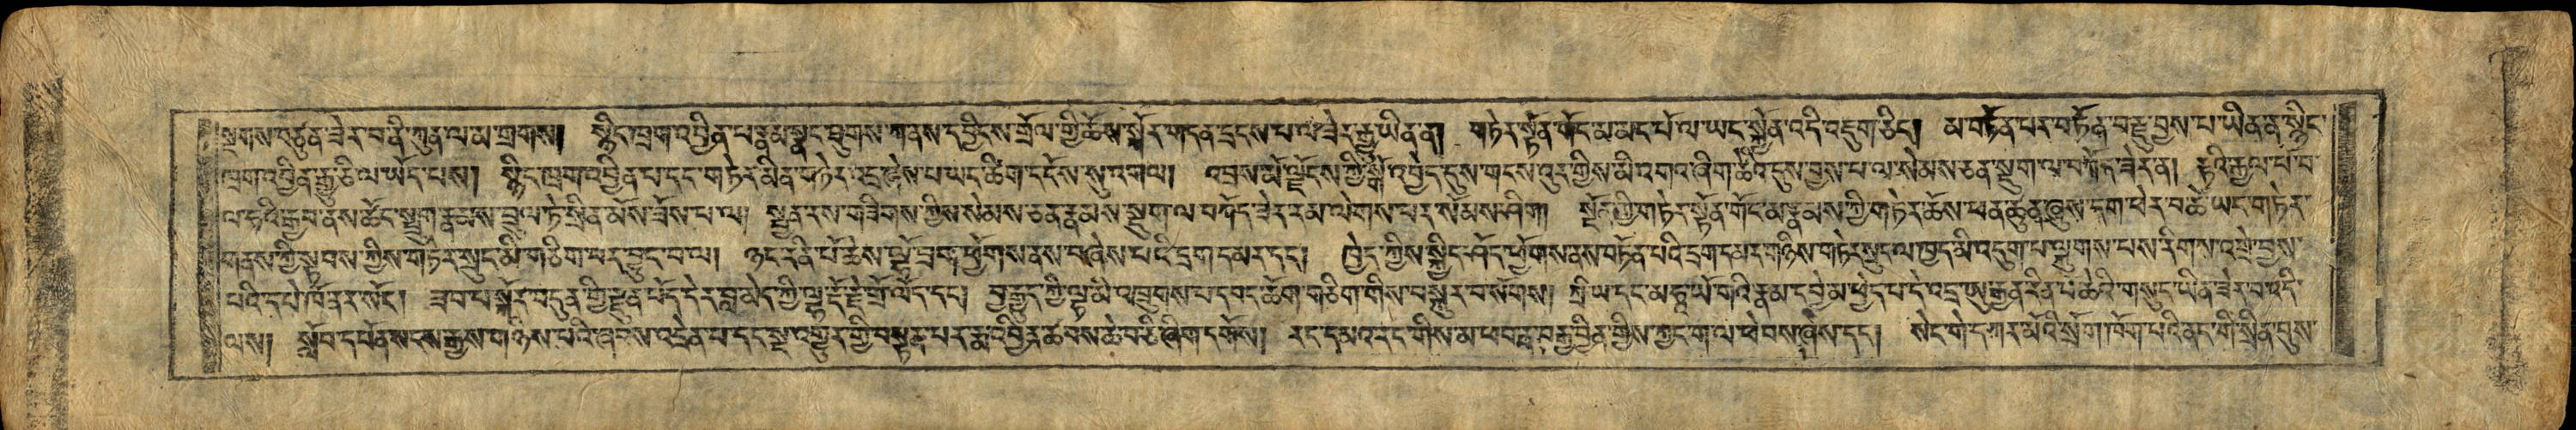སྔགས་བཙུན་ཟེར་བ་ནི་ཀུན་ལ་མ་གྲགས། སྙིང་ཁྲག་འབྱིན་པ་རྣམ་སྣང་ཐུགས་ཀ་ནས་དབྱིངས་གྲོལ་གྱི་ཆོས་སྐོར་གདན་དྲངས་པ་ལ་ཟེན་རྒྱུ་ཡིན་ན། གཏེར་སྟོན་གོང་མ་མང་པོ་ལ་ཡང་སྐྱོན་འདི་འཇུག་ཅིང་། མ་བཏོན་པར་བཏོན་བརྫུ་བྱས་པ་ཡིན་ན་སྙིང་
ཁྲག་འབྱིན་རྒྱུ་ཅི་ལ་ཡོད་པས། སྙིང་ཁྲག་འབྱིན་པ་དང་གཏེར་མིན་གཏེར་འདྲ་ཞེས་པ་ཡང་ཚིག་དངོས་སུ་འགལ། འབྲས་མོ་ལྗོངས་ཀྱི་སྒོ་འབྱེད་དུས་གངས་འུར་གྱིས་མི་འགའ་ཞིག་ཚེའི་དུས་བྱས་པ་ལ་སམས་ཅན་སྡུག་ལ་བཀོད་ཟེར་ན། རྟའི་རྒྱལ་པོ་བ་
ལ་ཏའི་རྒྱབ་ནས་ཚོང་སྦྲུག་རྣམས་བྲུལ་ཏེ་སྲིན་མོས་ཟོས་པ་ལ། སྤྱན་རས་གཟིགས་ཀྱིས་སེམས་ཅན་རྣམས་སྡུག་ལ་བཀོད་ཟེར་རམ་ལེགས་པར་སོམས་ཤིག། སྔོན་གྱི་གཏེར་སྟོན་གོང་མ་རྣམས་ཀྱི་གཏེར་ཆོས་ཕན་ཚུན་ཞུས་དག་ཕེར་བ་ཚོ་ཡང་གཏེར་
གནས་ཀྱི་སྟབས་ཀྱིས་གཏེར་སྲུང་མི་གཅིག་པར་བྱུང་བ་ལ། ཉང་རིན་པོ་ཆེས་ལྷོ་བྲག་ཕྱོགས་ནས་བཞེས་པའི་དྲག་དམར་དང་། ཁྱེད་ཀྱིས་སྐྱིད་ཤང་ཕྱོགས་ནས་བཏོན་པའི་དྲག་དམར་གཉིས་གཏེར་སྲུང་ལ་ཁྱད་མི་འདུག་པ་ལྐུགས་པས་རིགས་འགྲེ་བྱས་
པའི་དཔེ་ཁོ་ནར་སོང་། ཟབ་བསྐོར་བདུན་གྱི་རྫུན་པོད་དེར་བླ་མེད་ཀྱི་ལྷ་རྡོ་རྗེ་གྲོ་ལོང་དང་། བྱ་རྒྱུད་ཀྱི་ལྷ་མི་འཁྲུགས་པ་དབང་ཆོག་གཅིག་གིས་བསྐུར་བ་སོགས། ཀྲི་ཡ་དང་མཧཱ་ཡོ་གའི་རྣམ་དབྱེ་མ་ཕྱེད་པ་དེ་འདྲ་ཨུ་རྒྱན་རིན་པོ་ཆེའི་གསུང་ཡིན་ཟེར་བ་འདི་
ལས། སློབ་དཔོན་སངས་རྒྱས་གཉིས་པའི་ཞབས་འདྲེན་པ་དང་སྔ་འགྱུར་གྱི་བསྟན་པར་རྨ་འབྱིན་ཚབས་ཆེ་བ་ཅི་ཞིག་དགོས། རང་དམའ་རང་གིས་མ་ཕབ་ན་བརྒྱ་བྱིན་གྱིས་ཀྱང་ག་ལ་ཕེབས་ཞེས་༈དང་། སེང་གེ་དཀར་མོའི་སྲོག་ཁོག་པའི་ནང་གི་སྲིན་བུས་